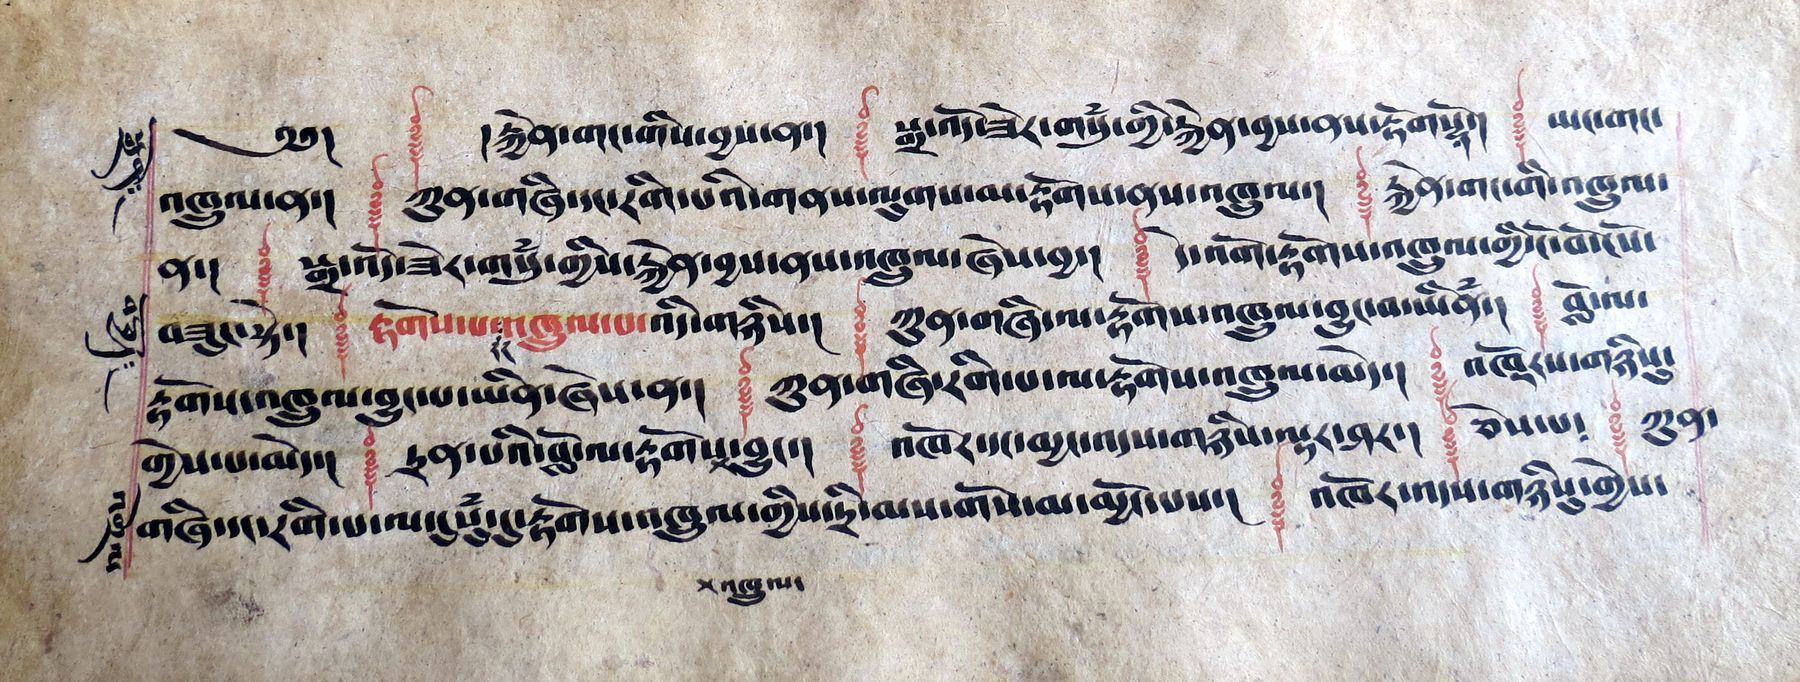རྐྱེན་གང་གིས་བྱས་ན་སྒྲ་འོད་ཟེར་གསུམ་གྱིས་རྐྱེན་བྱས་ནས་རྟོགས་སོ། །ཡང་གང་
འཁྲུལ་ན་ཀུན་གཞི་དང་རིག་པའི་གནས་ལུགས་མ་རྟོགས་ནས་འཁྲུལ། རྐྱེན་གང་གིས་འཁྲུལ་
ན་སྒྲ་འོད་ཟེར་གསུམ་གྱིས་རྐྱེན་བྱས་ནས་འཁྲུལ་ཞེས་བྱ། དེ་འོག་རྟོགས་འཁྲུལ་གྱི་ངོ་བོ་ངོས་
བཟུང་སྟེ། རྟོགས་པ་དང་འཁྲུལ་པ་འདི་གཉིས་ཀུན་གཞི་ལ་རྟོགས་འཁྲུལ་བྱུང་བ་ཡིན་ནམ། བློ་ལ་
རྟོགས་འཁྲུལ་བྱུང་བ་ཡིན་ནམ། བློ་ལ་རྟོགས་འཁྲུལ་བྱུང་བ་ཡིན་ཞེ་ན། ཀུན་གཞི་རིག་པ་རྟོགས་འཁྲུལ་མེད། འཁོར་འདས་གཉིས་སུ་
གྱེས་པ་མེད། དྲན་པའི་བློ་ལ་ར